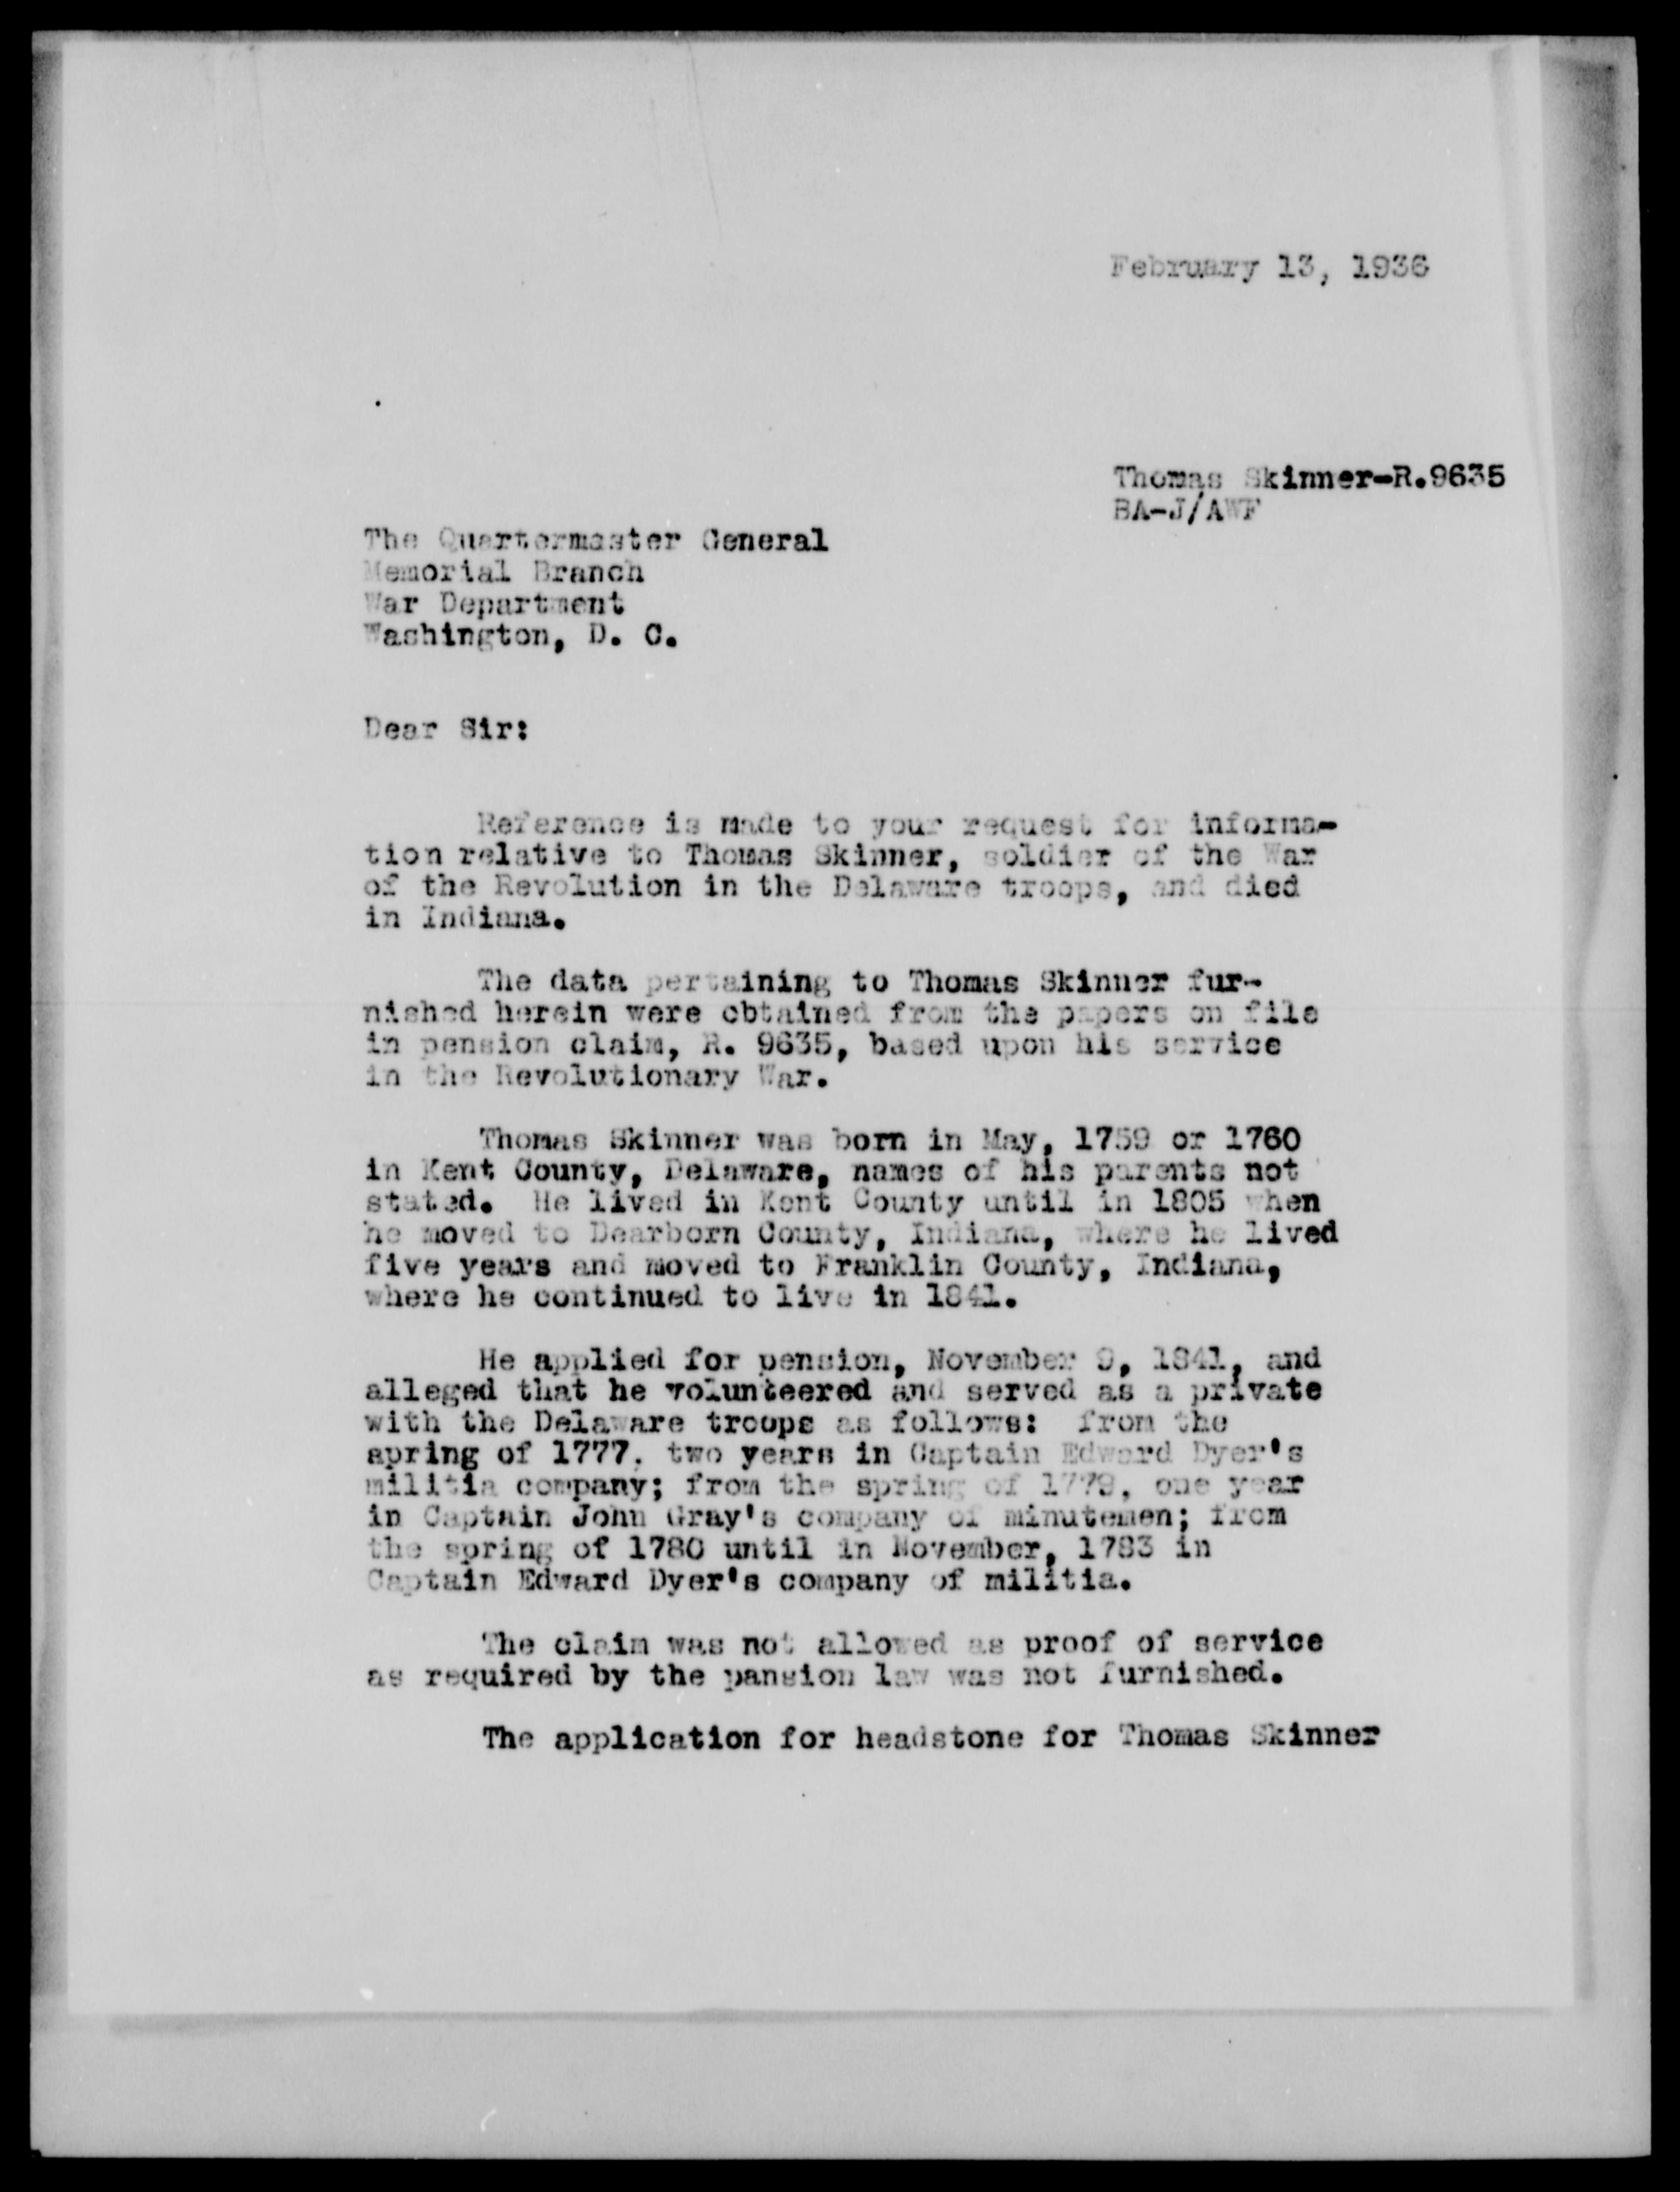February 13, 1936


Thomas Skinner-R.9635
BA-J/AWF

The Quartermaster General
Memorial Branch
War Department
Washington, D. C.

Dear Sir:

Reference is made to your request for informa-tion relative to Thomas Skinner, soldier of the War of the Revolution in the Delaware troops, and died in Indiana.

The data pertaining to Thomas Skinner fur-nished herein were obtained from the papers on file in pension claim, R. 9635, based upon his service in the Revolutionary War.

Thomas Skinner was born in May, 1759 or 1760 in Kent County, Delaware, names of his parents not stated. He lived in Kent County until in 1805 when he moved to Dearborn County, Indiana, where he lived five years and moved to Franklin County, Indiana, where he continued to live in 1841.

He applied for pension, November 9, 1841, and alleged that he volunteered and served as a private with the Delaware troops as follows: from the spring of 1777, two years in Captain Edward Dyer's militia company; from the spring of 1778, one year in Captain John Gray's company of minutemen; from the spring of 1780 until in November, 1783 in
Captain Edward Dyer's company of militia.

The claim was not allowed as proof of service
as required by the pension law was not furnished.

The application for headstone for Thomas Skinner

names: Thomas Skinner; Thomas Skinner; Thomas Skinner; Thomas Skinner; Thomas Skinner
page: 6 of 33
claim: rejected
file: R. 9635, for Thomas Skinner, Delaware